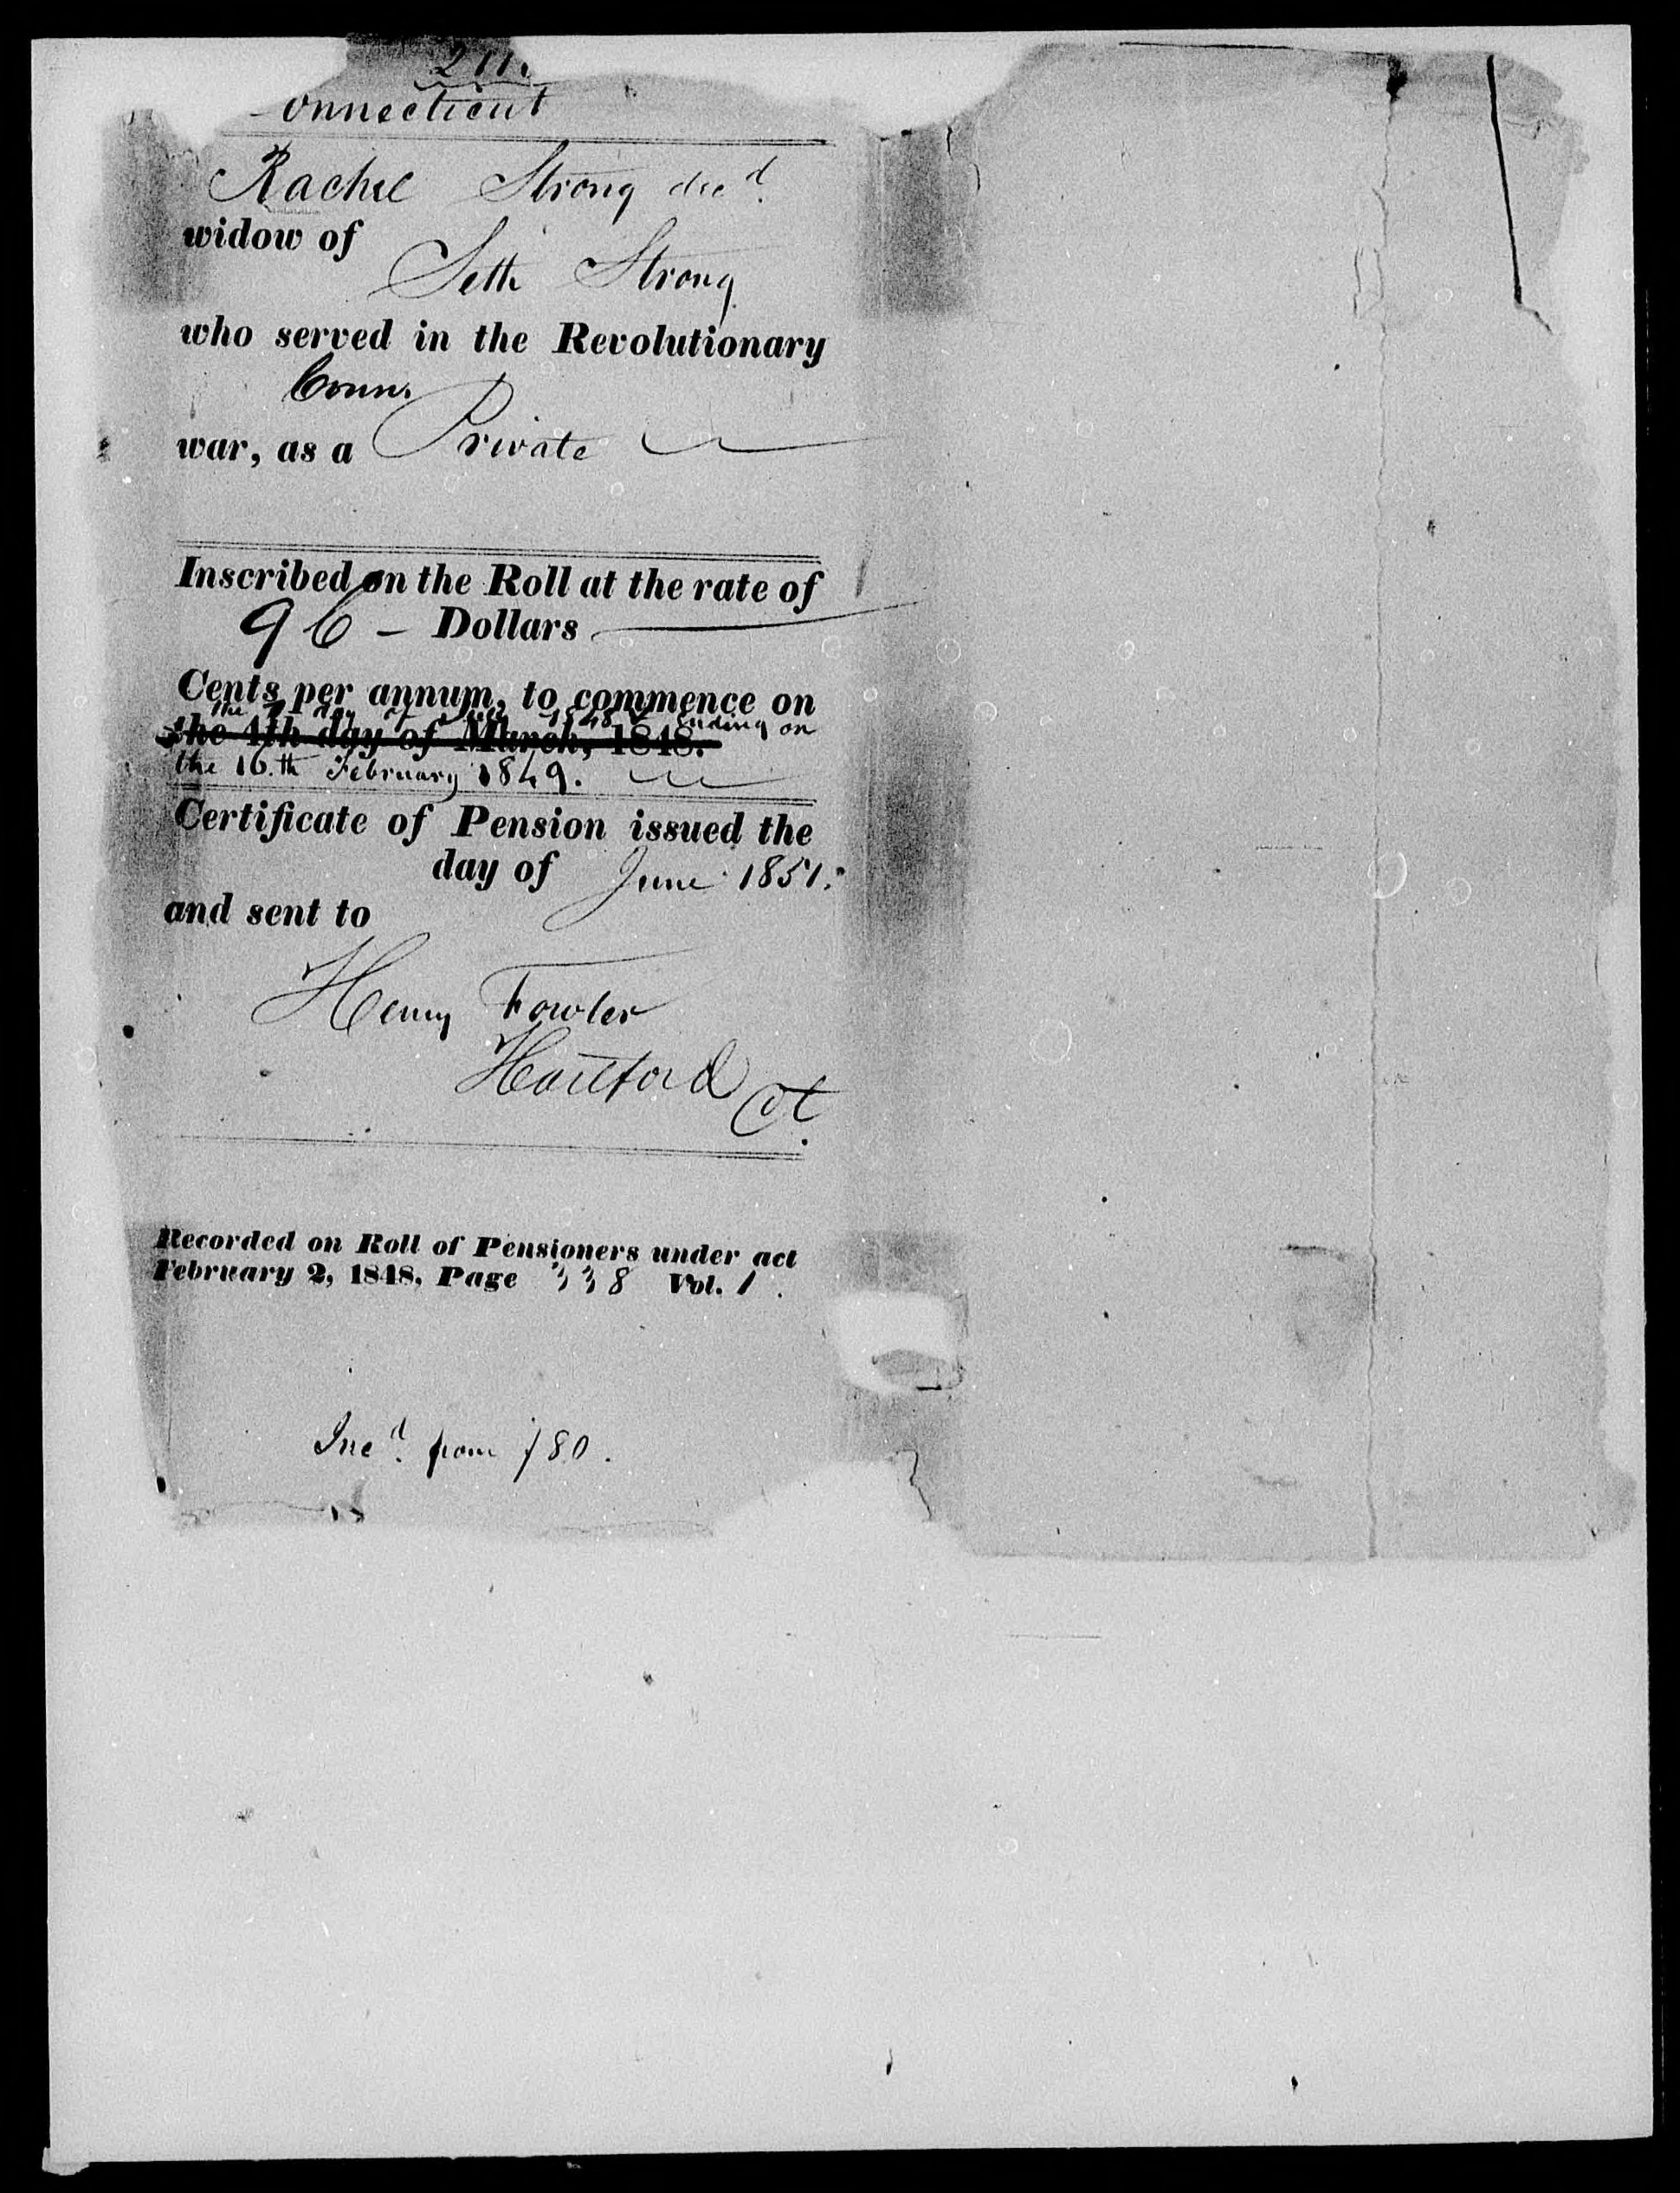211[Illegible - Top of page torn]
Connecticut

Rachel Strong decd.
widow of Seth Strong
who served in the Revolutionary
war, Conn. as a Private 

Inscribed on the Roll at the rate of 
96 Dollars -
Cents per annum, to commence on
the 1 day of July 1848
[preprinted date of "the 4th day of March, 1848" is lined out]
& ending on the 16th February 1849.

Certificate of Pension issued the
___ day of June 1851,
and sent to
Henry Fowler
Hartford Ct.

Recorded on Roll of Pensioners under act
February 2, 1848, Page 338 Vol. 1

Incd. from /80.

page: 7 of 47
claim: widow's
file: W. 17879, for Seth Strong, Connecticut